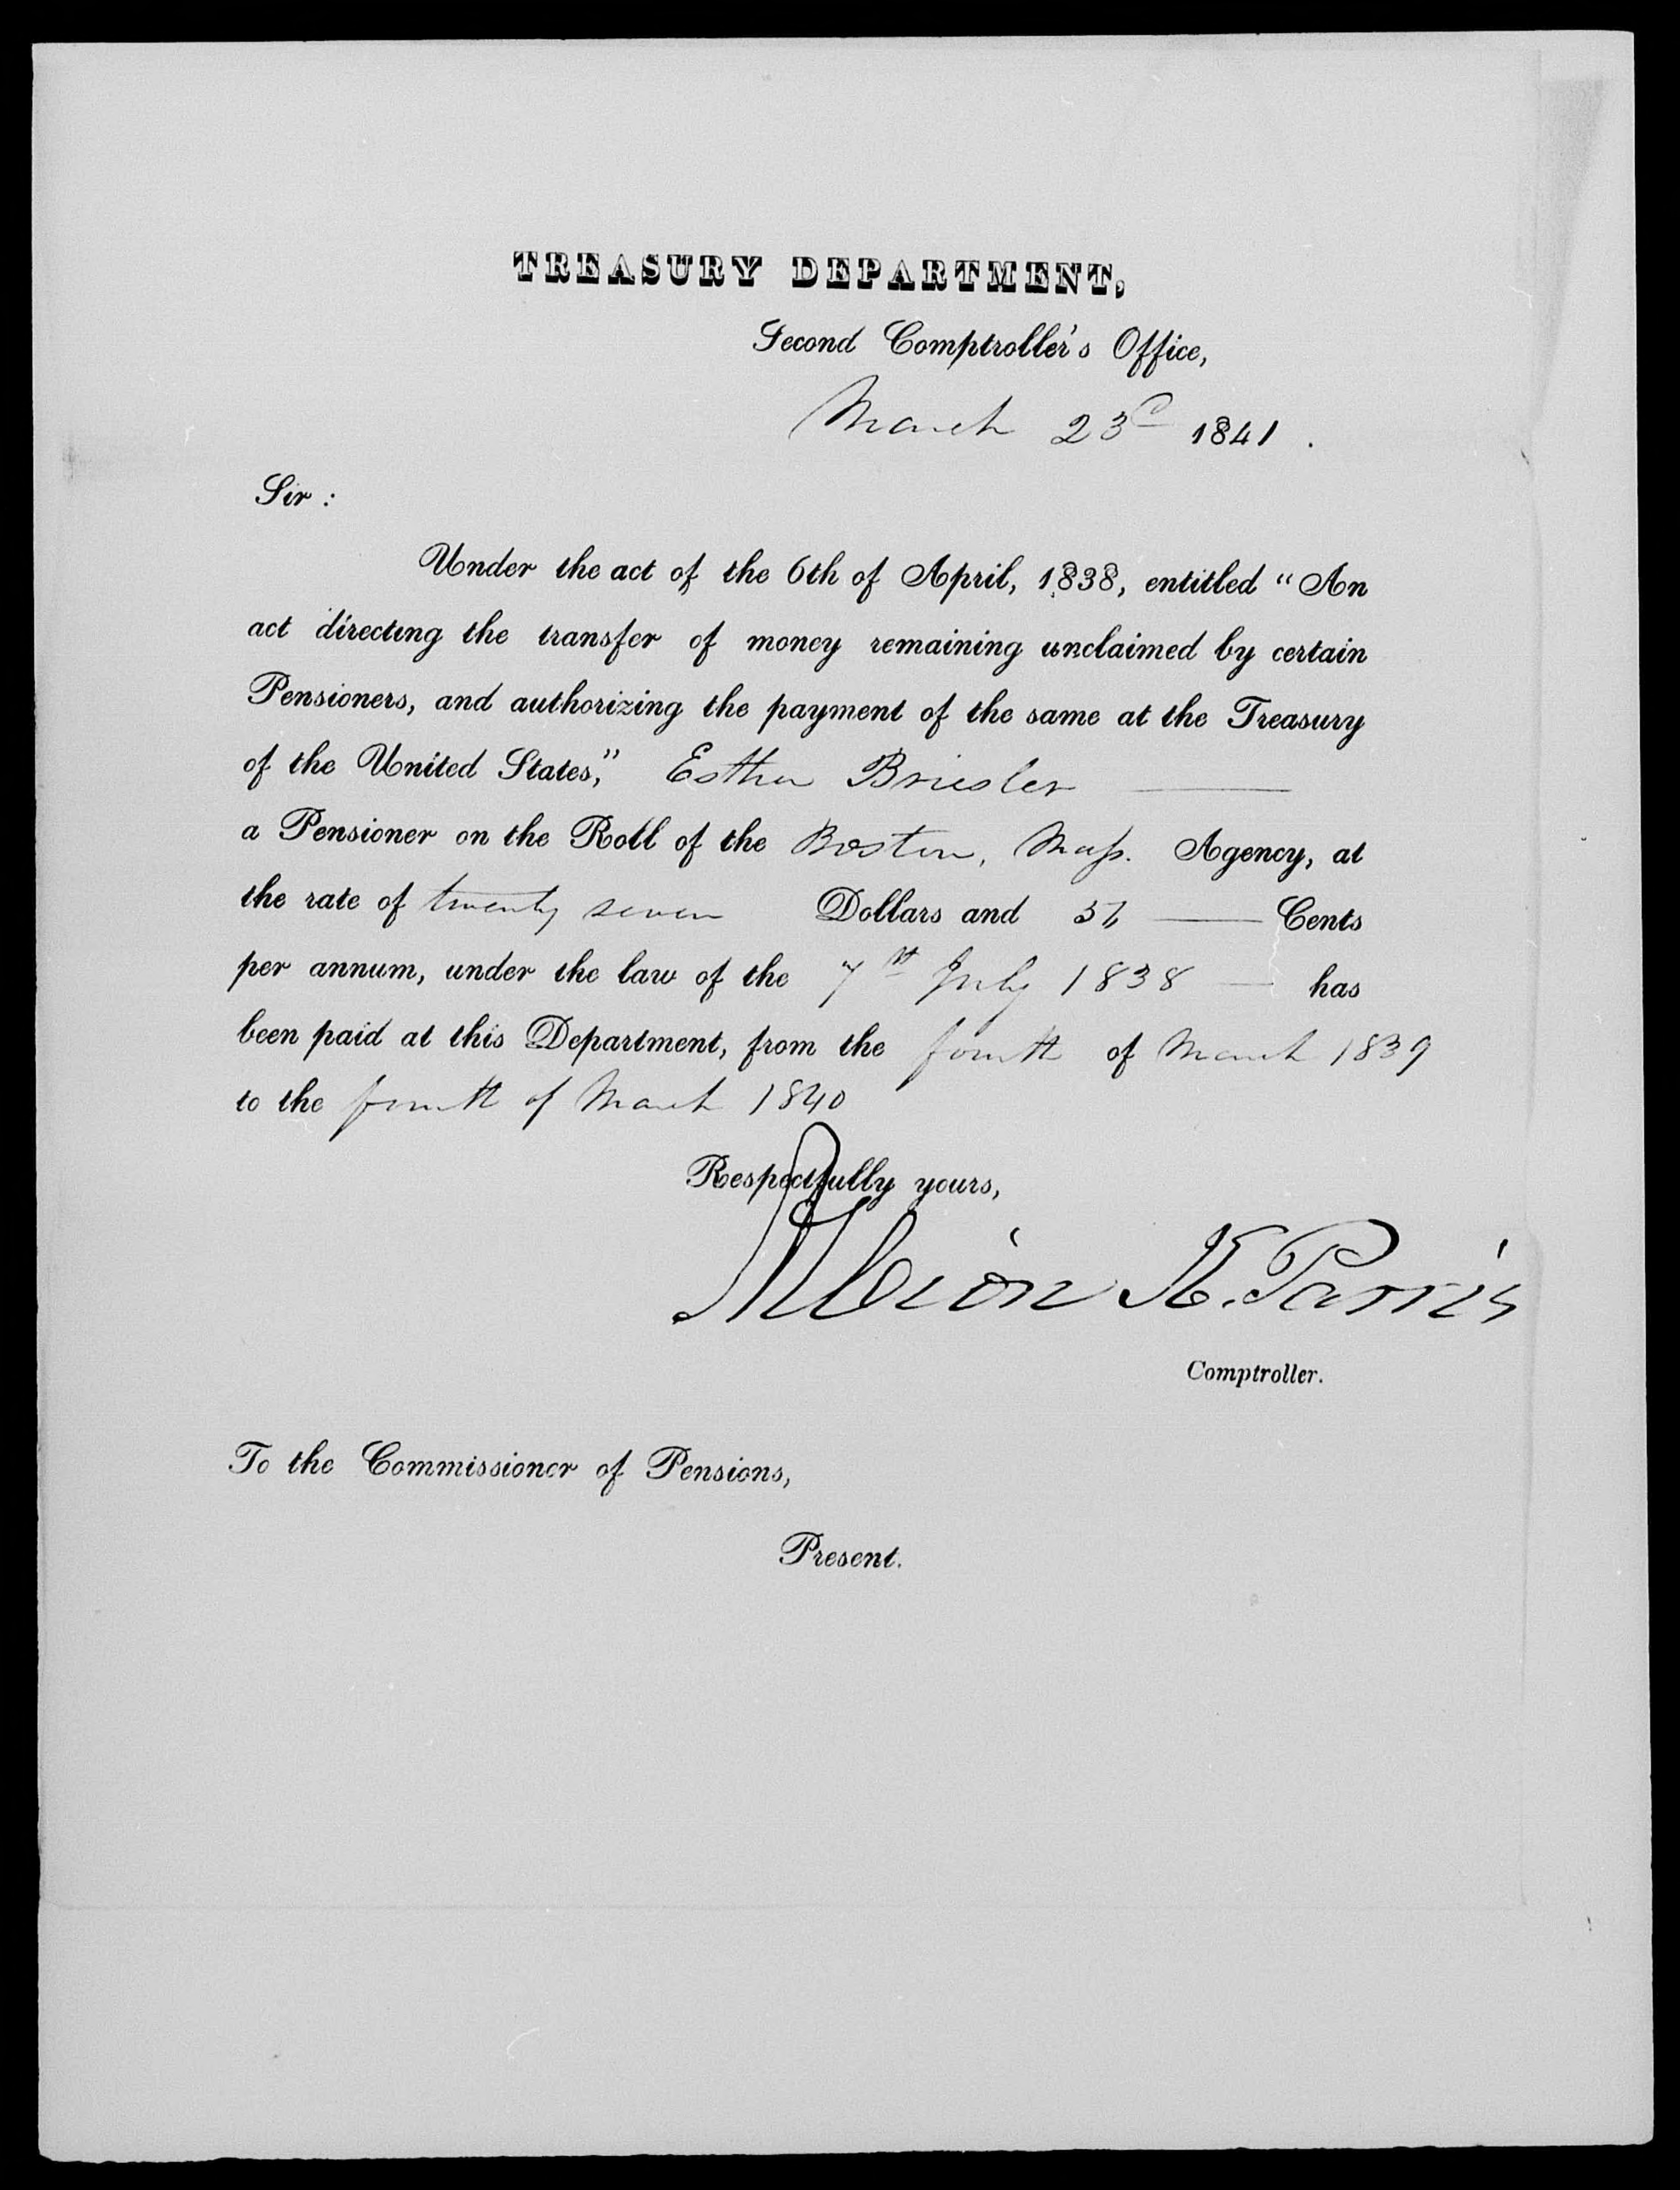TREASURY DEPARTMENT 
Se Comptroller's Office March 23d 1841
Sir: Under the Act of the 6th of April 1838, entitled, "An act directing the transfer of money remaining unclaimed by certain Pensioners, and authorizing the payment of the same at the Treasury of the United States," Esther Brisler a Pensioner on the Roll of the Boston, Mass Agency, at the rate of twenty seven Dollars and 56 Cents per annum, under the law of the 7th July 1838 has been paid at this Department, from the fourth of March 1839 to the fourth of March 1840.  Respectfully yours, Albion H. Parris  Comptroller.
To the Commissioner of Pensions, Present.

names: Albion K Parris, Esther Briesler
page: 31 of 46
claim: widow's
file: W. 23,673, John Brisler, Mass.